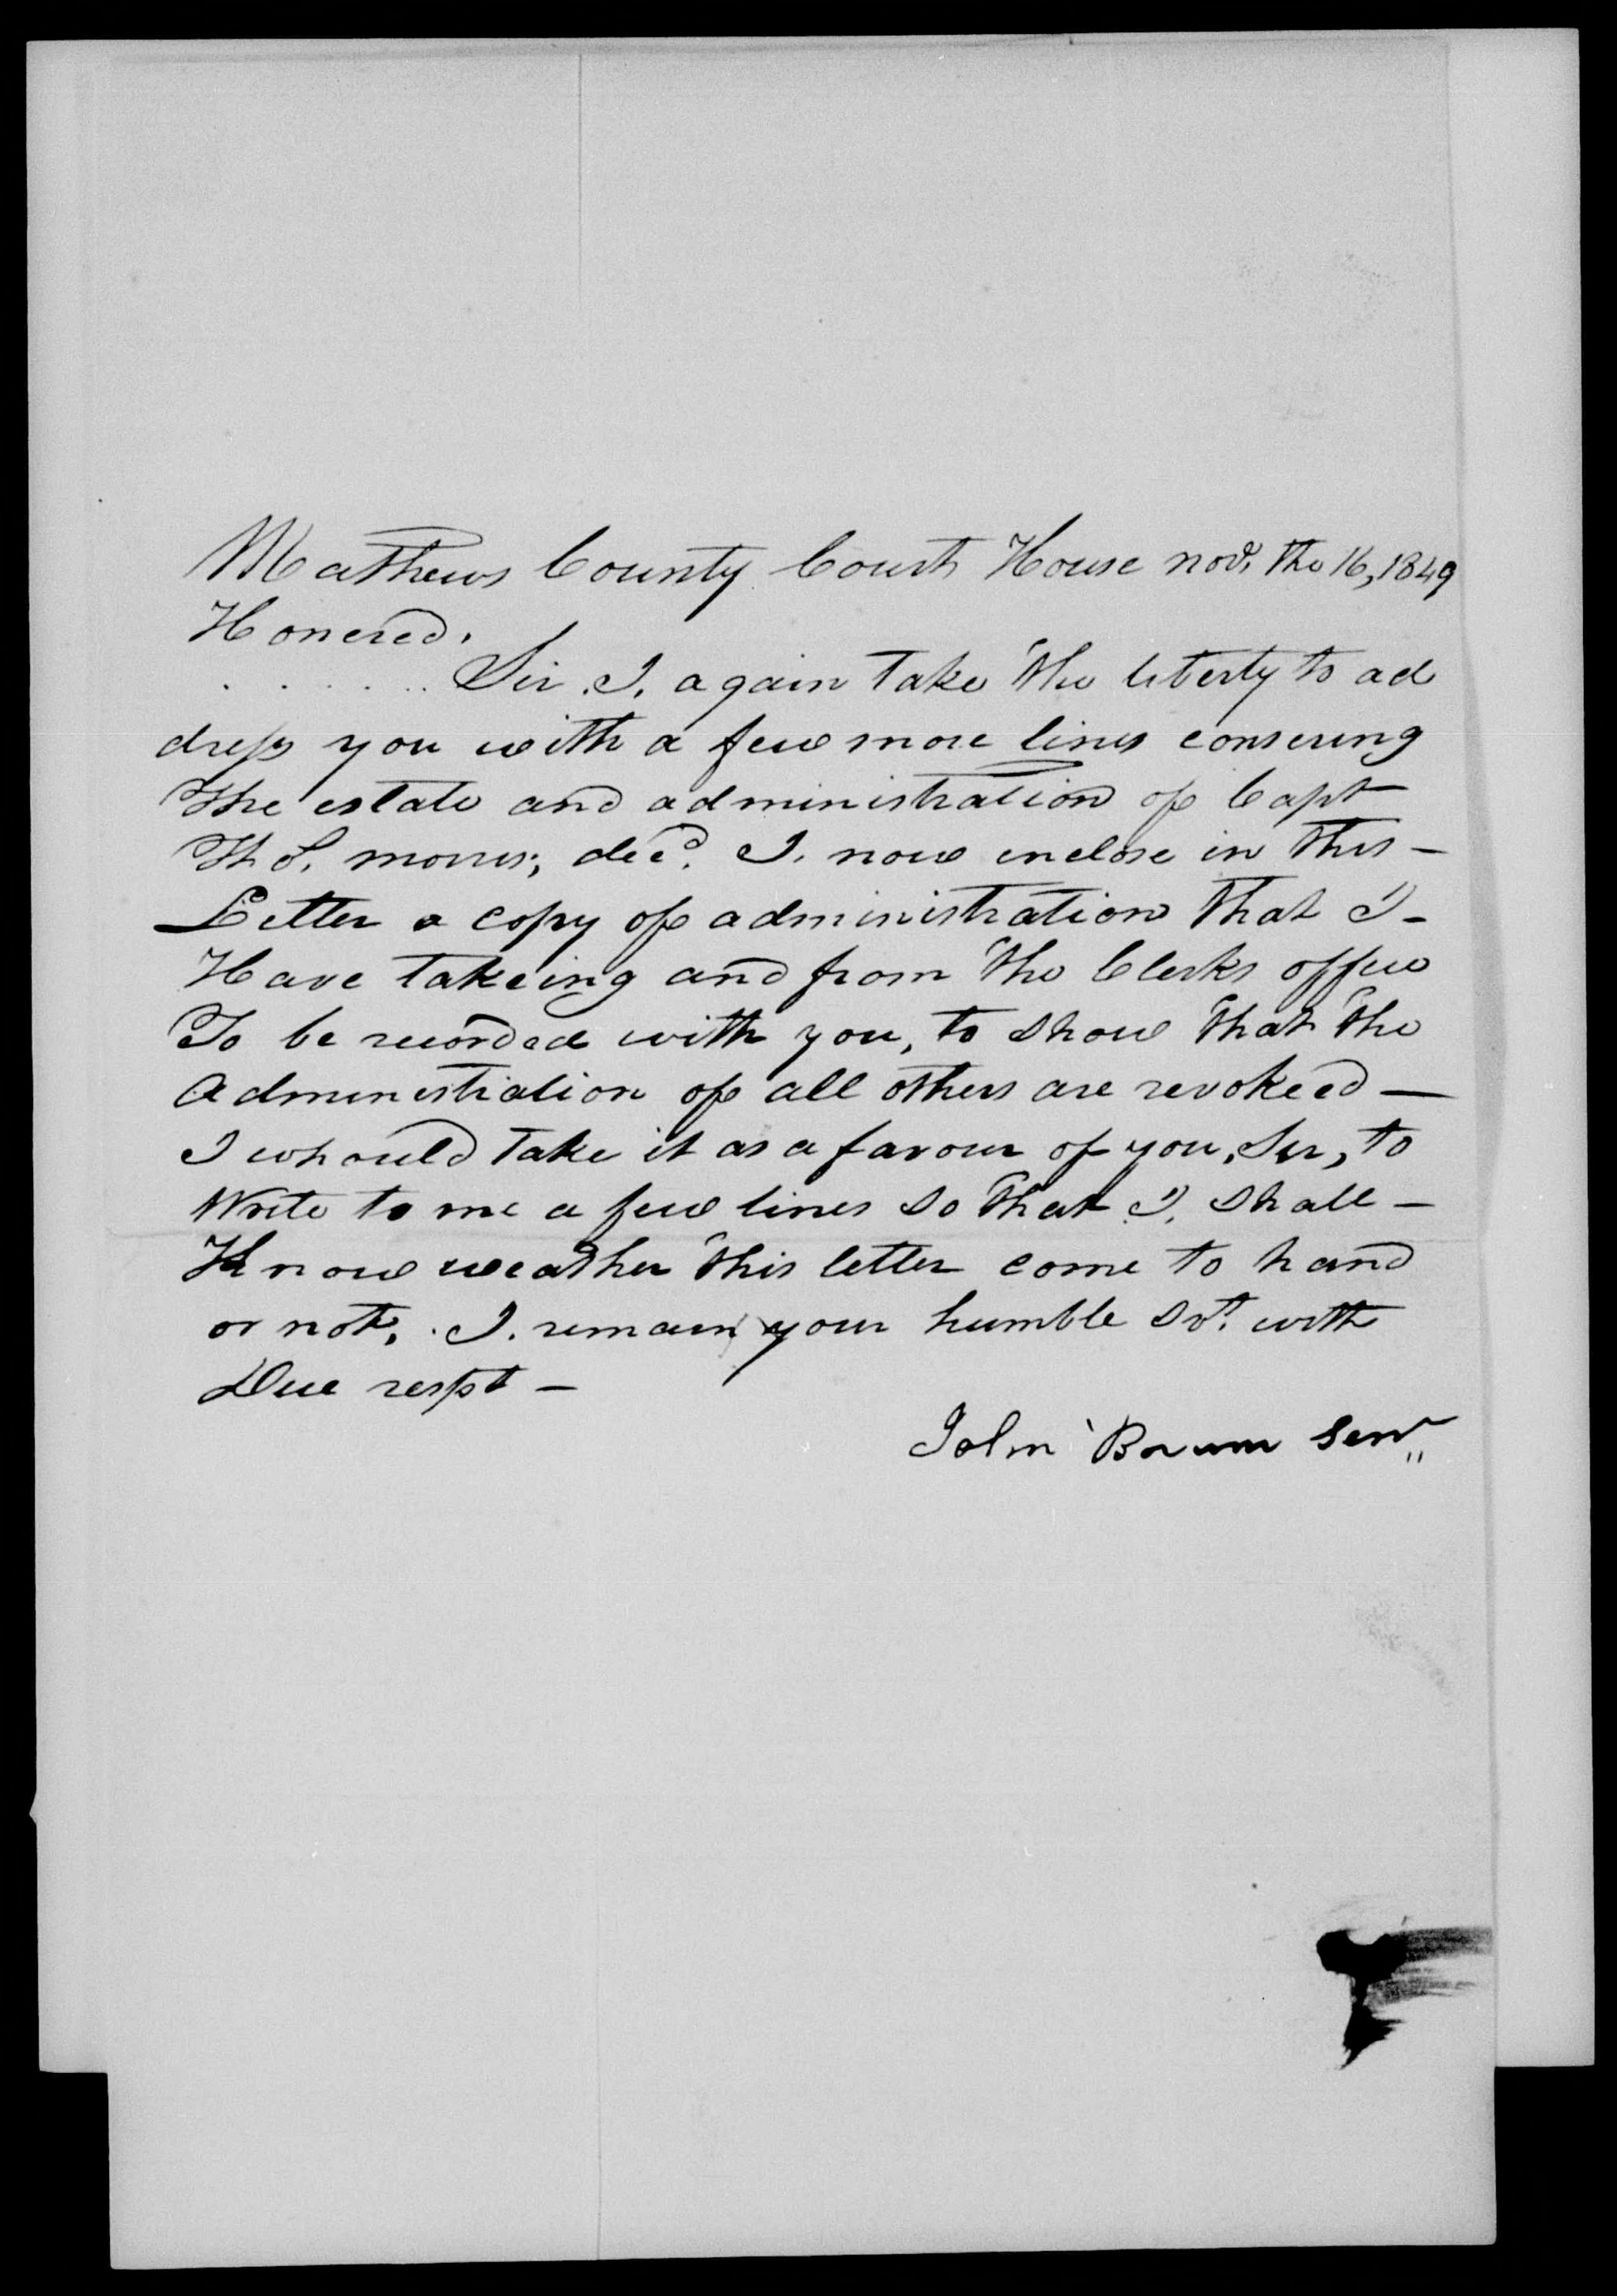Mathews County Court House Nov, the 16, 1849 Honered, [Honored]. 
Sir, I again take the liberty to address you with a few more lines consering [concerning] the estate and administration of Capt Thos Morris, decd. I now enclose in this letter a copy of administration that I have takeing [taken] and from the Clerks office to be recorded with you, to show that the administration of all others are revoked. I would take it as a favour [favor] of you, Sir, to write to me a few lines so that I shall know weather this letter come to hand or not. I remain your humble svt. with due respt. 
John Borum Sen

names: John Borum; Thos Morris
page: 20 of 30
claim: rejected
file: R. 16,555, for Thomas Morris, Georgia